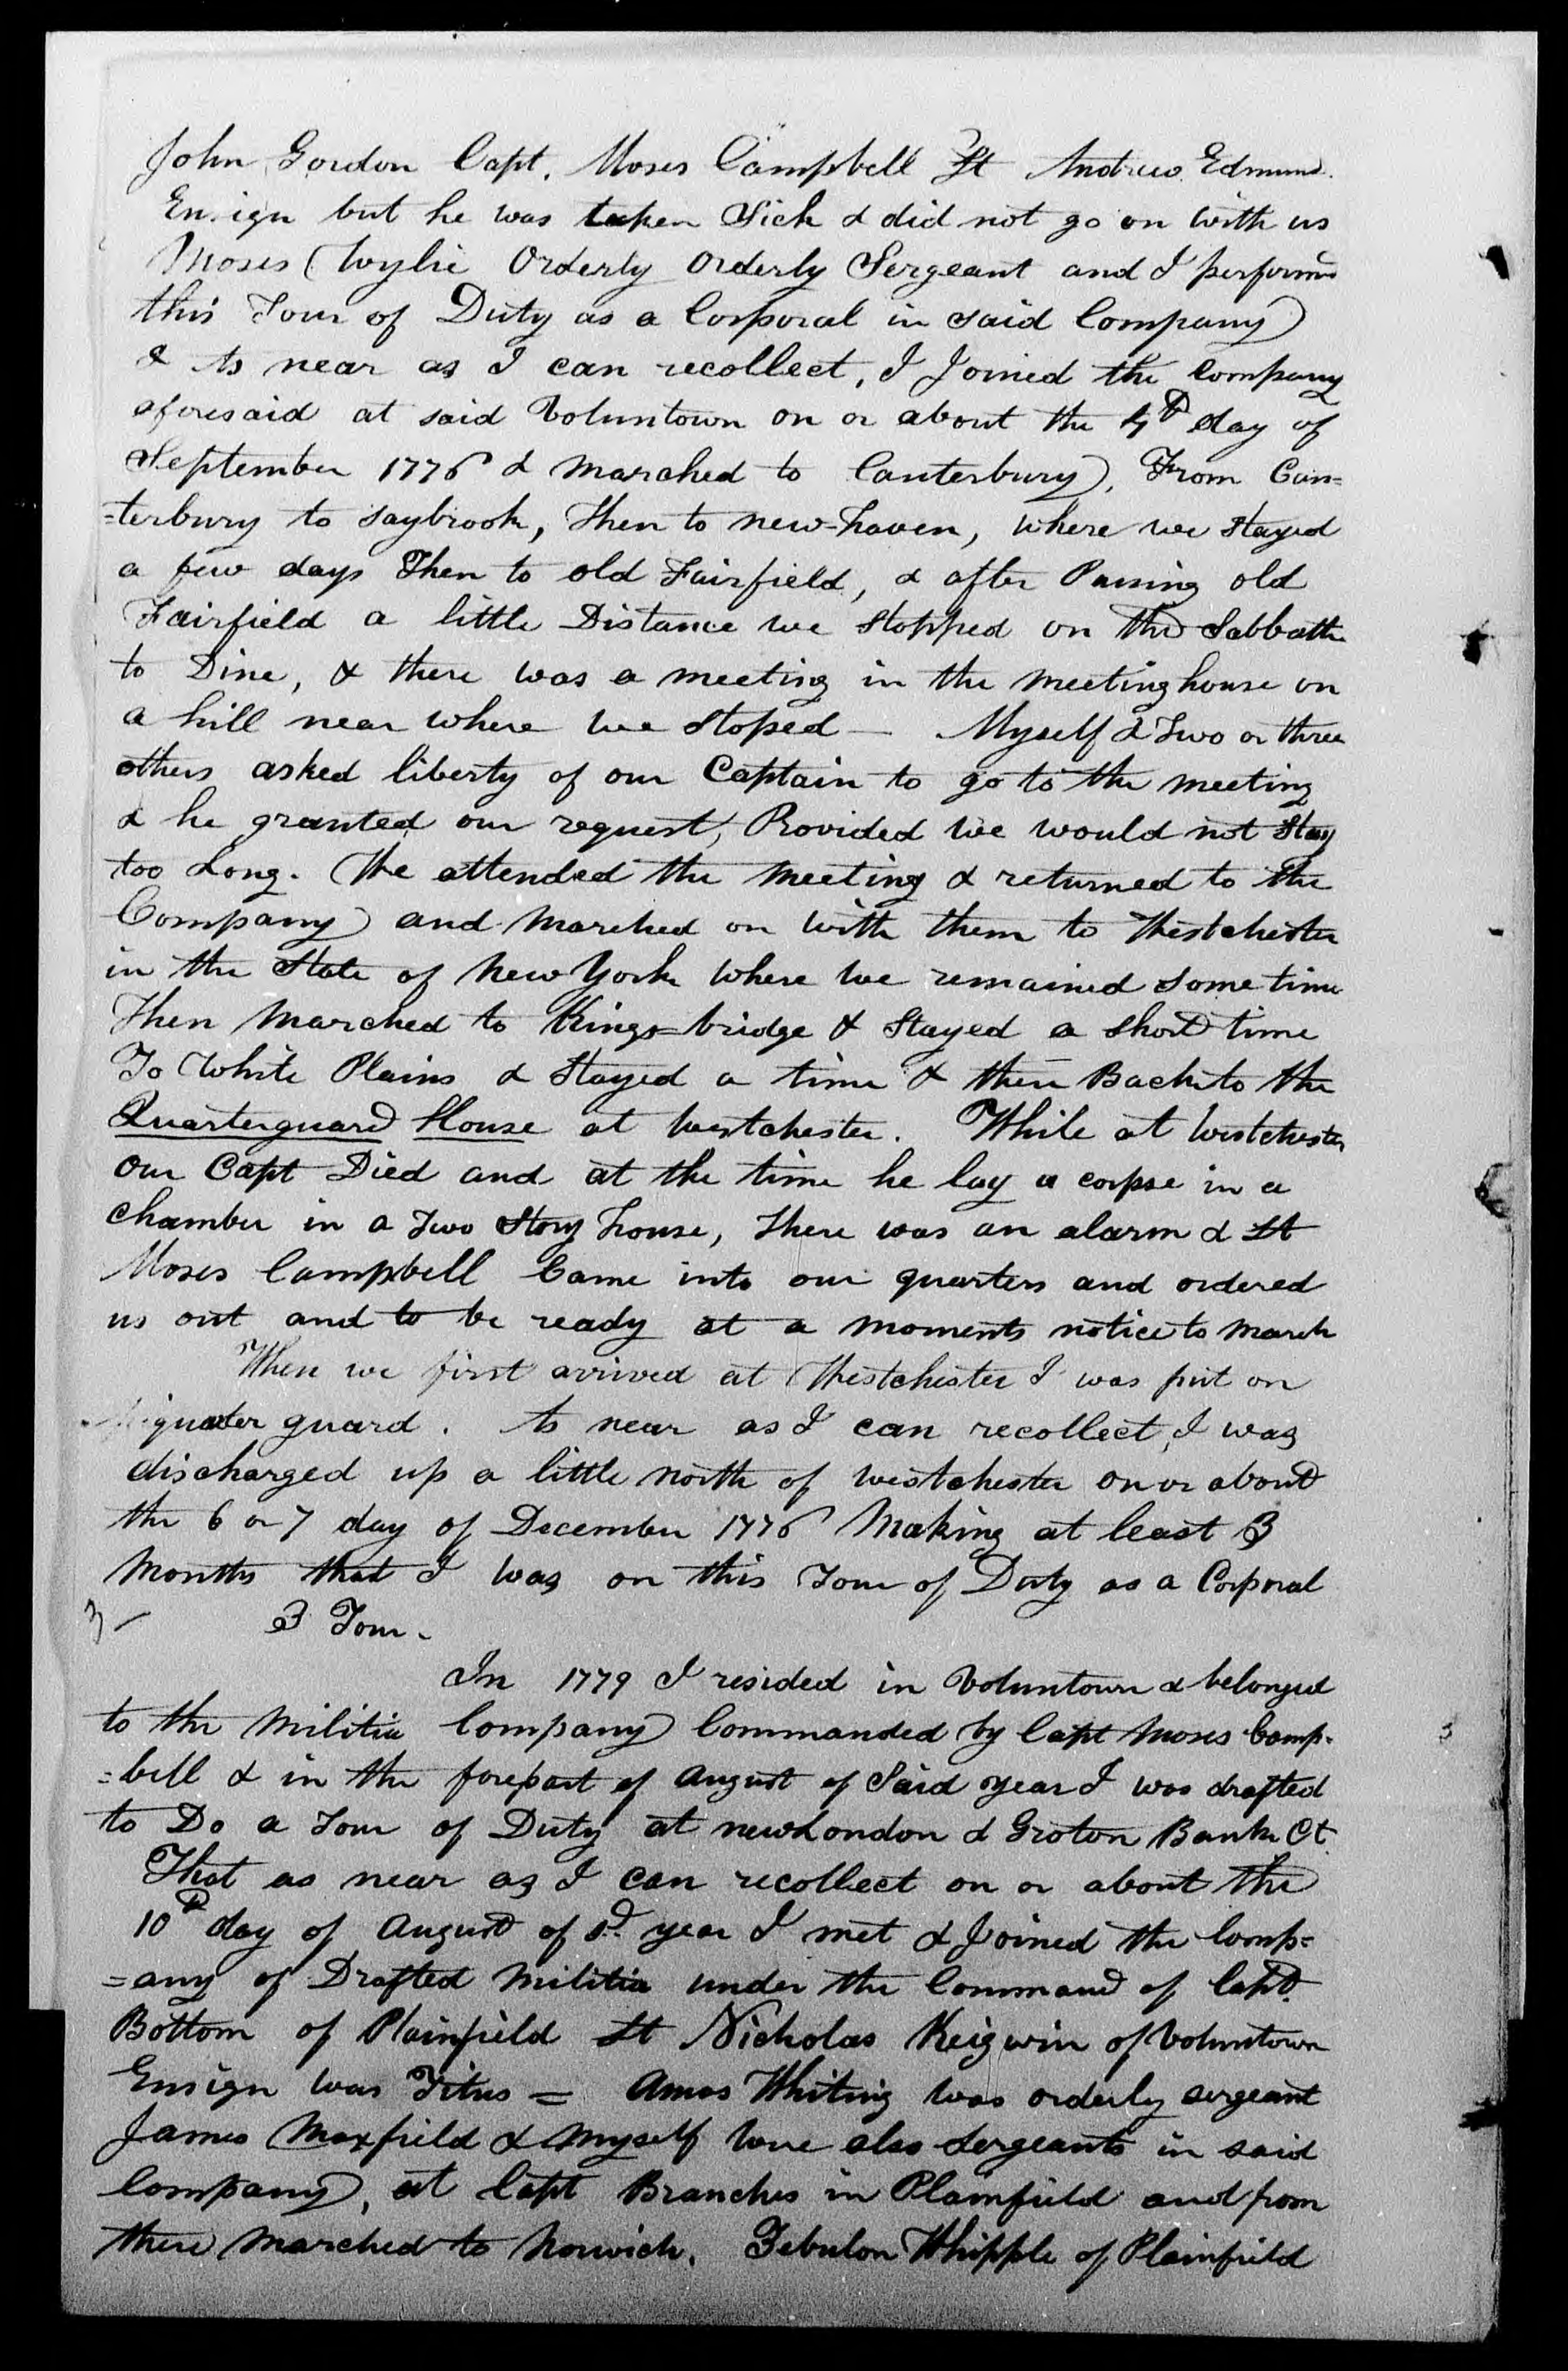John Gordon Capt. Moses Campbell Lt Andrew Edmunds Ensign but he was taken sick & did not go on with us Moses Wylie Orderly Orderly Sergeant and I performed this Tour of Duty as a Corporal in said Company & as near as I can recollect, I joined the company aforesaid at said Voluntown on or about the 4th day of September 1776 & Marched to Canterbury. From Canterbury to Saybrook, Then to New-haven, where we stayed a few days Then to old Fairfield, & after passing old Fairfield a little distance we stopped on the Sabbath to Dine, & there was a meeting in the meeting house on a hill near where we stopped. Myself & Two or three others asked liberty of our Captain to go to the meeting & he granted our request, Provided we would not stay too long. We attended the meeting & returned to the Company and marched on with them to Westchester in the State of New York where we remained some time.  Then Marched to Kingsbridge & stayed a short time To White Plains & stayed a time & then back to the [underlined Quarterguard House] at Westchester. While at Westchester our Capt Died and at the time he lay a corpse in a Chamber in a two story house, There was an alarm & Lt Moses Campbell Came into our quarters and ordered us out and to be ready at a moments notice to March.
 
When we first arrived at Westchester I was put on quarter guard. As near as I can recollect, I was discharged up a little north of Westchester on or about the 6 or 7 day of December 1776 making at least 3 months that I was on this Tour of Duty as a Corporal 

[3 handwritten] 3 Tour
In 1779 I resided in Voluntown & belonged to the militia Company commanded by Capt Moses Campbell & in the forepart of August of said year I was drafted to do a tour of Duty at New London Groton Bank Ct. That as near as I can recollect on or about the 10th day of August of said year I met & joined the Company of Drafted Militia under the command of Capt. Bottom of Plainfield Lt Nicholas Keigwin of Voluntown Ensign [illegible] Titus= Amos Whiting was orderly sergeant James Maxfield & myself were also Sergeants in said Company, at Capt Branches in Plainfield and from there marched to Norwich. Zebulon Whipple of Plainfield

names: Moses Wylie, Zebulon Whipple, Amos Whiting, Nicholas Keigwin, John Gordon, Moses Campbell, Moses Campbell, Moses Campbell, Bottom, James Maxfield, Andrew Edmunds, Branches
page: 4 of 37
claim: survivor's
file: S. 12,281, William Briggs, Conn.